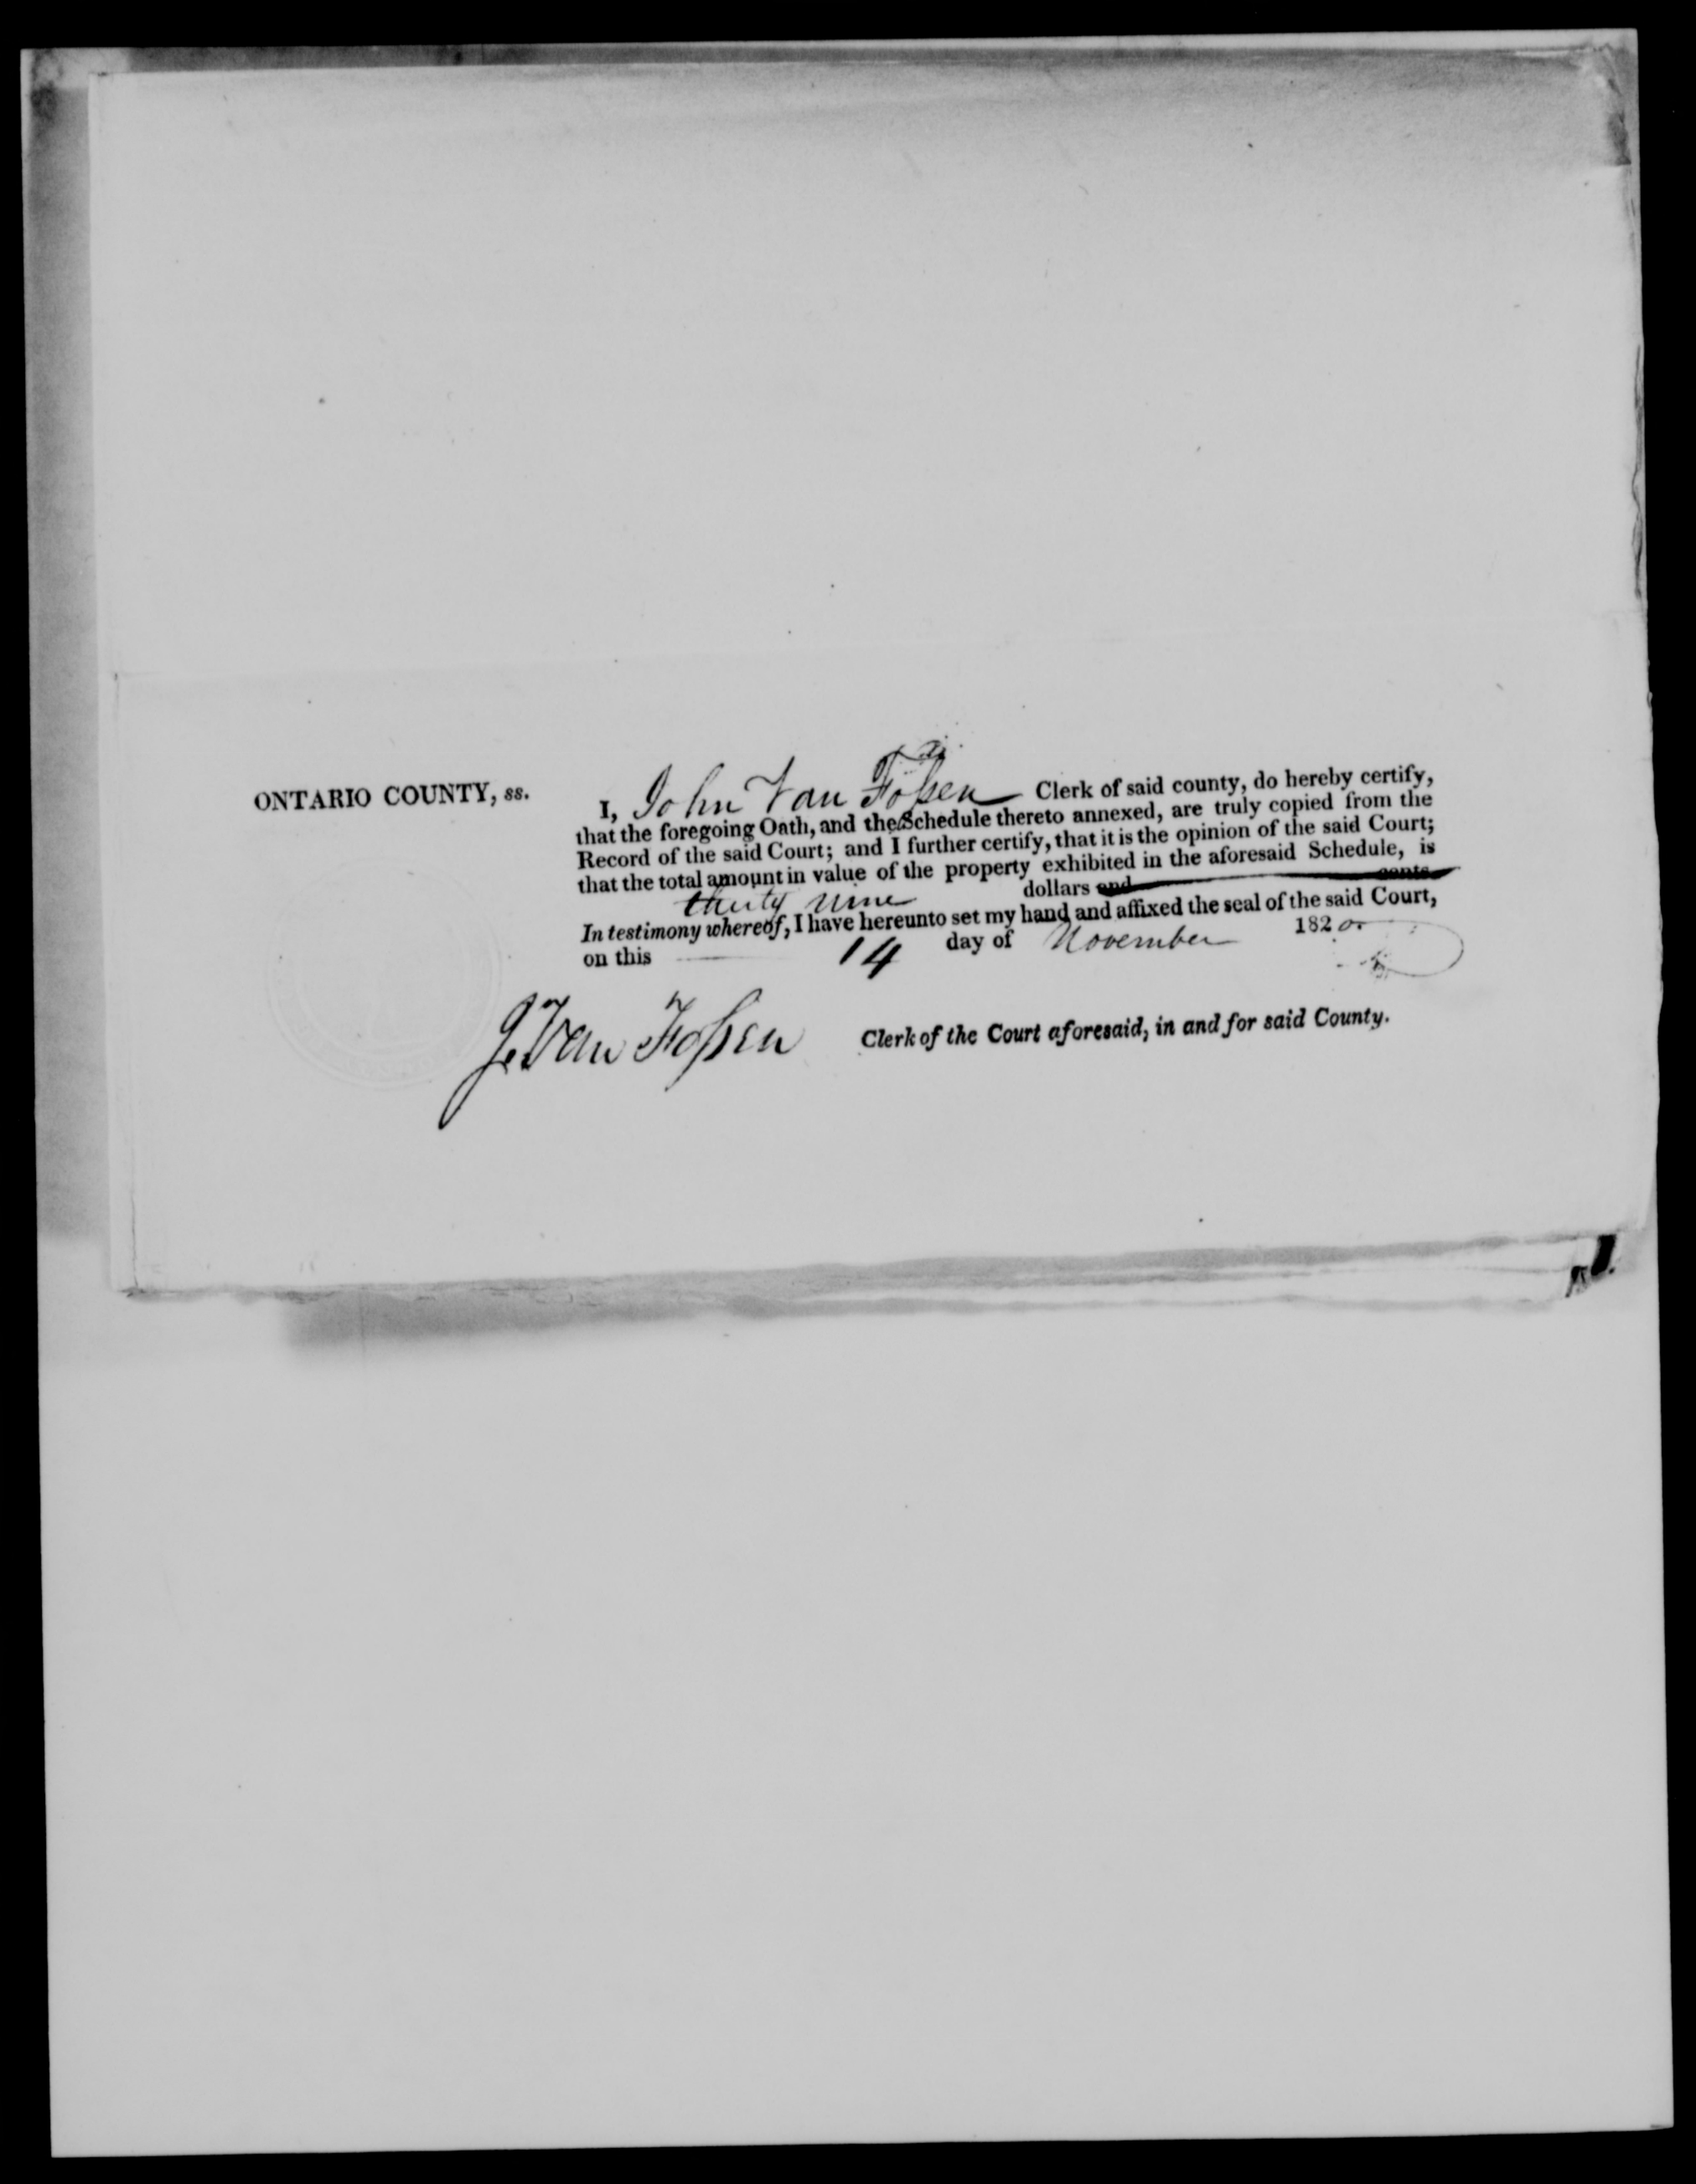ONTARIO COUNTY, ss.
John Van Fossen Clerk of said county, do hereby certify,
that the foregoing Oath, and the Schedule thereto annexed, are truly copied from the
Record of the said Court; and I further certify, that it is the opinion of the said Court;
that the total amount in value of the property exhibited in the aforesaid Schedule, is thirty nine dollars and ---cents
In testimony whereof I have hereunto set my hand and affixed the seal of the said Court,
on this 14 day of November
1820
J Van Fossen Clerk of the Court aforesaid, in and for said County.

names: John Van Fossen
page: 10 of 22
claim: survivor's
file: S. 43298, Jonas Whiting, Mass.